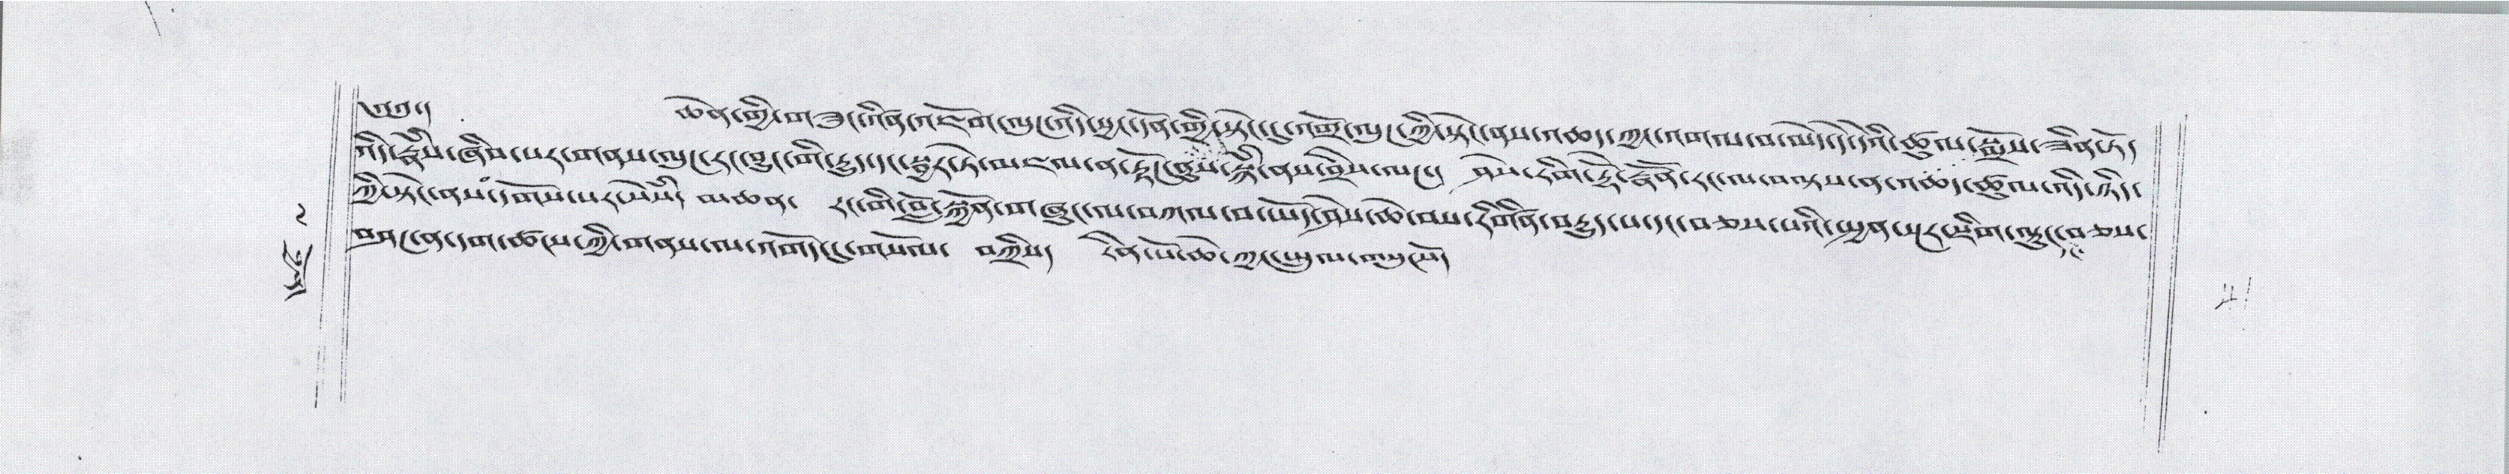རྫོགས་ཆེན་གྱི་གཟུང་འཛིན་འཇོག་ལུགས་འདི་གསང་དོན་གྱི་སྟེང་དུ་འགྲོ་ལུགས་ཀྱི་སྟེང་ནས་འཆད་ཀྱང་འགལ་བ་མེད་དེ་དེའི་ཚུལ་སྨྲོས་ཟིན་ཏོ། 
འདི་རྣམས་ཞིབ་པར་གནས་ལུགས་རང་འབྱུང་གི་རྒྱུད་དང་སྦྱར་ཏེ་མཇལ་ན་རྟོགས་ནུས་སྙམ་ཏེ་བྲིས་ལགས། ཤེས་རིག་རྡོ་རྗེ་རྣོན་པོ་རང་ལ་བལྟས་ན་འཆད་ཚུལ་འདི་ཉིད་
ཀྱི་སྟེང་ནས་དགོས་པར་སེམས། མཆན། རང་གི་བློ་སྐྱོན་གཞུང་ལ་བཀལ་བ་ཡོད་ཤས་ཆེ་བས་རིག་འཛིན་བརྒྱུད་པ་དང་བཅས་པའི་སྤྱན་སྔར་སྡིག་ལྟུང་དང་བཅས་
བཤགས་ན་དག་ཚངས་ཀྱི་གནས་ལ་འགོད་དུ་གསོལ། བཀྲ་ཤིས། རིན་པོ་ཆེ་ཀྱང་སྤྲུལ་གསུངས་སོ། །